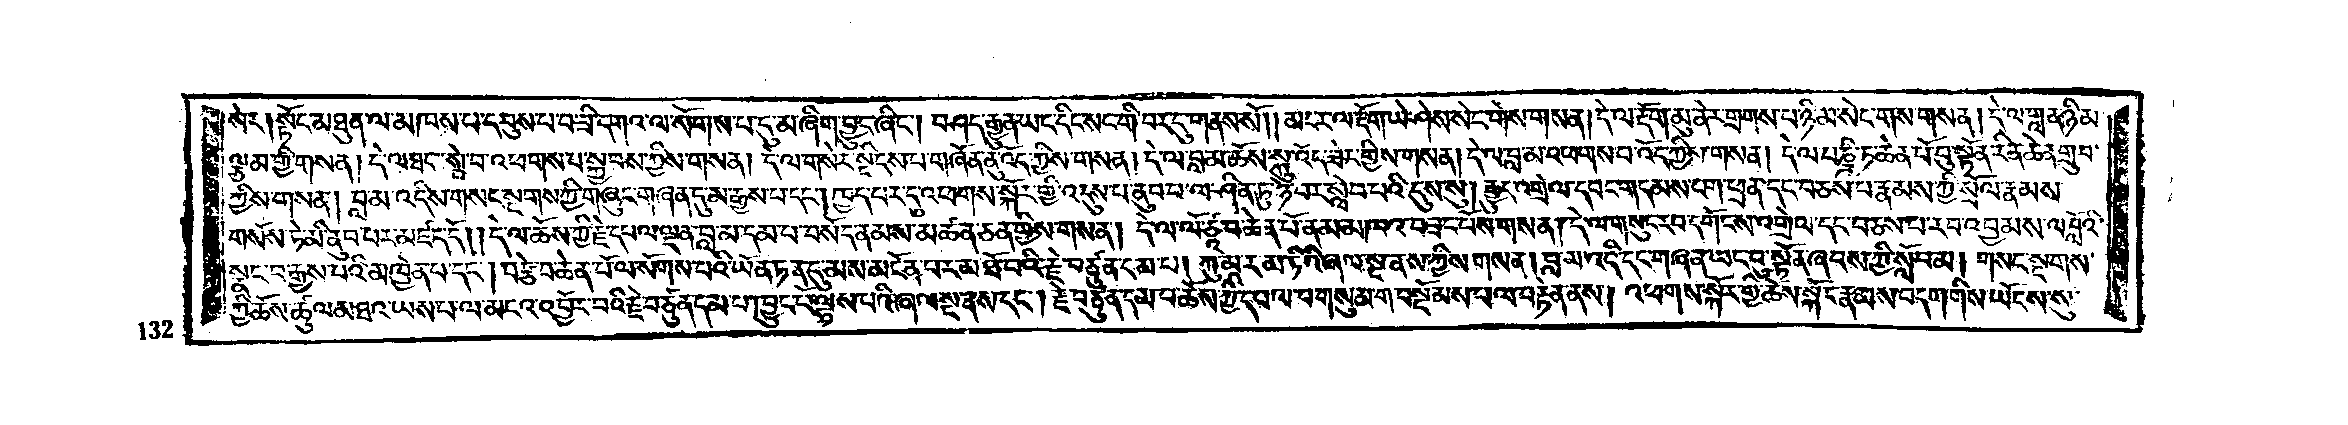སེར། སྟོང་མཐུན་ལ་མཁས་པ་དབུས་པ་བ་ཟི་དགའ་ལ་སོགས་པ་དུ་མ་ཞིག་བྱུང་ཞིང་། བཤད་རྒྱུན་ཡང་དིང་སང་གི་བར་དུ་གནས་སོ། །མང་ར་ལ་རྡོག་ཡེ་ཤེས་སེང་གེས་གསན། དེ་ལ་རྡོག་མུ་ནེར་གྲགས་པ་ཉི་མ་སེང་གེས་གསན། དེ་ལ་གླན་ཉི་མ་
ལྕམ་གྱི་གསན། དེ་ལ་ཐང་སྤེ་བ་འཕགས་པ་སྐྱབས་ཀྱིས་གསན། དེ་ལ་གསེར་སྡིངས་པ་གཞོན་ནུ་འོད་ཀྱིས་གསན། དེ་ལ་བླ་མ་ཆོས་སྐུ་འོད་ཟེར་གྱིས་གསན། དེ་ལ་བླ་མ་འཕགས་པ་འོད་ཀྱིས་གསན། དེ་ལ་པཎྜི་ཏ་ཆེན་པོ་བུ་སྟོན་རིན་ཆེན་གྲུབ་
ཀྱིས་གསན། བླ་མ་འདིས་གསང་སྔགས་ཀྱི་གཞུང་གཞན་དུ་མ་རྒྱས་པ་དང་། ཁྱད་པར་དུ་འཕགས་སྐོར་གྱི་འདུས་པ་ནུབ་པ་ལ་ཤིན་ཏུ་ཉེ་བར་སླེབ་པའི་དུས་སུ། རྒྱུད་འགྲེལ་དབང་གདམས་ངག་ཕྲན་དང་བཅས་པ་རྣམས་ཀྱི་སྲོལ་རྣམས་
གསོས་ཏེ་མི་ནུབ་པར་མཛད་དོ། །དེ་ལ་ཆོས་ཀྱི་རྗེ་དཔལ་ལྡན་བླ་མ་དམ་པ་བསོད་ནམས་མཚན་ཅན་གྱིས་གསན། དེ་ལ་ལོ་ཙཱ་བ་ཆེན་པོ་ནམ་མཁའ་བཟང་པོས་གསན། དེ་ལ་གསུང་རབ་དགོངས་འགྲེལ་དང་བཅས་པ་རབ་འབྱམས་ལ་བློའི་
སྣང་བ་རྒྱས་པའི་མཁྱེན་པ་དང་། བརྩེ་བ་ཆེན་པོ་ལ་སོགས་པའི་ཡོན་ཏན་དུ་མས་མངོན་པར་མཐོ་བའི་རྗེ་བཙུན་དམ་པ། ཀུ་མཱ་ར་མ་ཏིའི་ཞལ་སྔ་ནས་ཀྱིས་གསན། བླ་མ་འདི་དང་གཞན་ཡང་བུ་སྟོན་ཞབས་ཀྱི་སློབ་མ། གསང་སྔགས་
ཀྱི་ཆོས་ཚུལ་མཐའ་ཡས་པ་ལ་མངའ་འབྱོར་བའི་རྗེ་བཙུན་དམ་པ་ཁྱུང་པོ་ལྷས་པའི་ཞལ་སྔ་ནས་དང་། རྗེ་བཙུན་དམ་པ་ཆོས་ཀྱི་དཔལ་བ་གསུམ་ག་བསྡོམས་པ་ལ་བརྟེན་ནས། འཕགས་སྐོར་གྱི་ཆོས་སྐོར་རྣམས་བདག་གིས་ཡོངས་སུ་